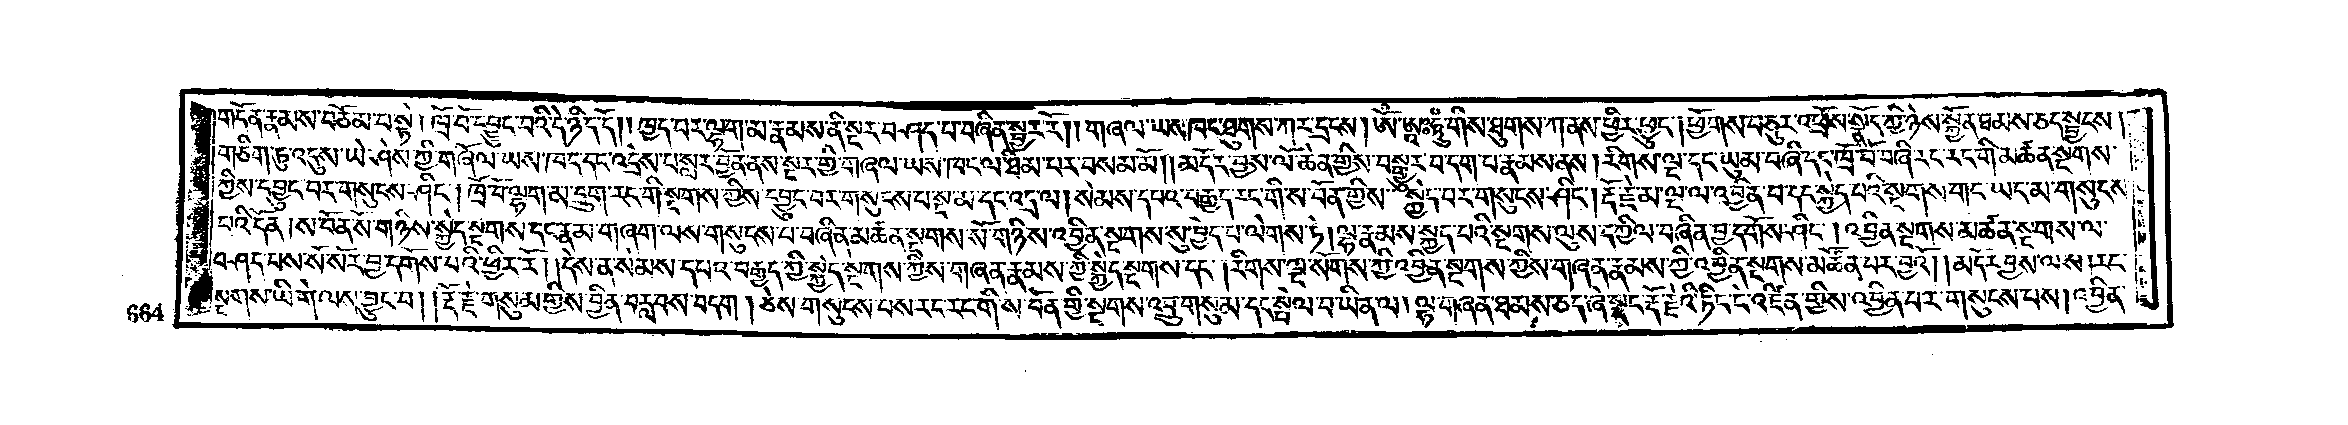གདོན་རྣམས་བཅོམ་པ་སྟེ། ཁྲོ་བོ་དབྱུང་བའི་དེ་ཉིད་དོ། །ཁྱད་པར་ལྷག་མ་རྣམས་ནི་སྔར་བཤད་པ་བཞིན་སྦྱར་རོ། །གཞལ་ཡས་ཁང་ཐུགས་ཀར་དྲངས། ཨོཾ་ཨཱཿ ཧཱུཾ་གིས་ཐུགས་ཀ་ནས་ཕྱིར་ཕྱུང་། ཕྱོགས་བཅུར་འཕྲོས་སྣོད་ཀྱི་ཉེས་སྐྱོན་ཐམས་ཅད་སྦྱངས།
གཅིག་ཏུ་འདུས་ཡེ་ཤེས་ཀྱི་གཞལ་ཡས་ཁང་དང་འདྲེས་པ་སླར་བྱོན་ནས་སྔར་གྱི་གཞལ་ཡས་ཁང་ལ་ཐིམ་པར་བསམ་མོ། །མདོར་བྱས་ལོ་ཆེན་གྱིས་བསྒྱུར་བ་དག་པ་རྣམས་ནས། རིགས་ལྔ་དང་ཡུམ་བཞི་དང་ཁྲོ་བོ་བཞི་རང་རང་གི་མཚན་སྔགས་
ཀྱིས་དབྱུང་བར་གསུངས་ཤིང་། ཁྲོ་བོ་ལྷག་མ་དྲུག་རང་གི་སྔགས་ཀྱིས་དབྱུང་བར་གསུངས་པ་སྔ་མ་དང་འདྲ་ལ། སེམས་དཔའ་བརྒྱད་རང་གི་ས་བོན་གྱིས་སྐྱད་པར་གསུངས་ཤིང་། རྡོ་རྗེ་མ་ལྔ་ལ་འབྱིན་པ་དང་སྐྱེད་པའི་སྔགས་གང་ཡང་མ་གསུངས་
པའི་དོན། ས་བོན་སོ་གཉིས་སྐྱེད་སྔགས་དང་རྣམ་གཞག་ལས་གསུངས་པ་བཞིན་མཚན་སྔགས་སོ་གཉིས་འབྱིན་སྔགས་སུ་བྱེད་པ་ལེགས་ཏེ། ལྷ་རྣམས་སྐྱེད་པའི་སྔགས་ལུས་དཀྱིལ་བཞིན་བྱ་དགོས་ཤིང་། འབྱིན་སྔགས་མཚན་སྔགས་ལ་
བཤད་པས་སོ་སོར་བྱ་དགོས་པའི་ཕྱིར་རོ། །དེས་ན་སེམས་དཔའ་བརྒྱད་ཀྱི་སྐྱེད་སྔགས་ཀྱིས་གཞན་རྣམས་ཀྱི་སྐྱེད་སྔགས་དང་། རིགས་ལྔ་སོགས་ཀྱི་འབྱིན་སྔགས་ཀྱིས་གཞན་རྣམས་ཀྱི་འབྱིན་སྔགས་མཚོན་པར་བྱའོ། །མདོར་བྱས་ལས། རང་
སྔགས་ཡི་གེ་ལས་བྱུང་བ། །རྡོ་རྗེ་གསུམ་གྱིས་བྱིན་བརླབས་བདག །ཅེས་གསུངས་པས་རང་རང་གི་ས་བོན་གྱི་སྔགས་འབྲུ་གསུམ་དང་སྤེལ་བ་ཡིན་ལ། ལྷ་གཞན་ཐམས་ཅད་ཞེ་སྡང་རྡོ་རྗེའི་ཏིང་ངེ་འཛིན་གྱིས་འབྱིན་པར་གསུངས་པས། འབྱིན་